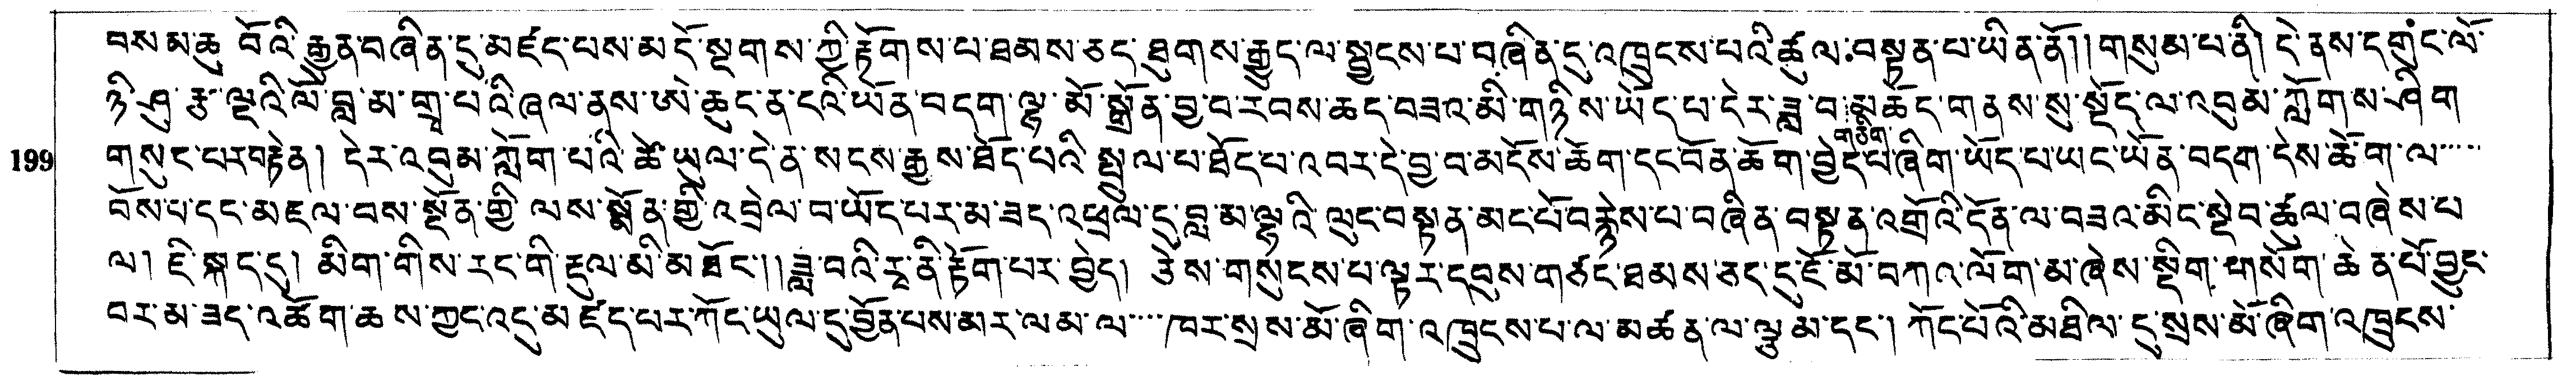བསམ་ཆུ་བོའི་རྒྱུན་བཞིན་དུ་མཛད་པས་མདོ་སྔགས་ཀྱི་རྟོགས་པ་ཐམས་ཅད་ཐུགས་རྒྱུད་ལ་སྦྱངས་པ་བཞིན་དུ་འཁྲུངས་པའི་ཚུལ་བསྟན་པ་ཡིན་ནོ། །གསུམ་པ་ནི། དེ་ནས་དགུང་ལོ་
ཉི་ཤུ་རྩ་ལྔའི་ལོ་བླ་མ་གྲྭ་པའི་ཞལ་ནས་ཨེ་ཆུང་ན་ངའི་ཡོན་བདག་ལྷ་མོ་སྒྲོན་བྱ་བ་རབས་ཆད་བཟའ་མི་གཉིས་ཡོད་པ་དེར་ཟླ་བ་གཅིག་མཆོད་གནས་སུ་སྔོད་?་ལ་འབུམ་ཀློགས་ཤིག་
གསུང་པར་བརྟེན། དེར་འབུམ་ཀློག་པའི་ཚེ་ཡུལ་དེ་ན་སངས་རྒྱས་ཐོད་པའི་སྤྲུལ་པ་ཐོད་པ་འབར་དེ་བྱ་བ་མདོས་ཆོག་དང་བོན་ཆོག་བྱེད་པ་ཞིག་ཡོད་པ་ཡང་ཡོན་བདག་དེས་ཆོ་ག་ལ་
བོས་པ་དང་མཇལ་བས་སྔོན་གྱི་ལས་སྨོན་གྱི་འབྲེལ་བ་ཡོད་པར་མ་ཟད་འཕྲལ་དུ་བླ་མ་ལྷའི་ལུང་བསྟན་མང་པོ་བརྙེས་པ་བཞིན་བསྟན་འགྲོའི་དོན་ལ་བཟའ་མིང་སྡེབ་ཚུལ་བཞེས་པ་
ལ། ཇི་སྐད་དུ། མིག་གིས་རང་གི་རྡུལ་མི་མཐོང་། །ཟླ་བའི་རྭ་ནི་རྟོག་པར་བྱེད། ཅེས་གསུངས་པ་ལྟར་དབུས་གཙང་ཐམས་ཅད་དུ་ཇོ་མོ་བཀའ་ལོག་མ་ཞེས་སྡིག་གསོག་ཆེན་པོ་བྱུང་
བར་མ་ཟད་འཚོག་ཆས་ཀྱང་འདུ་མཛད་པར་ཀོང་ཡུལ་དུ་བྱོན་པས་མར་ལམ་ལ་ཁར་སྲས་མོ་ཞིག་འཁྲུངས་པ་ལ་མཚན་ལ་ལྕམ་དང་། ཀོང་པོའི་མཐིལ་དུ་སྲས་མོ་ཞིག་འཁྲུངས་